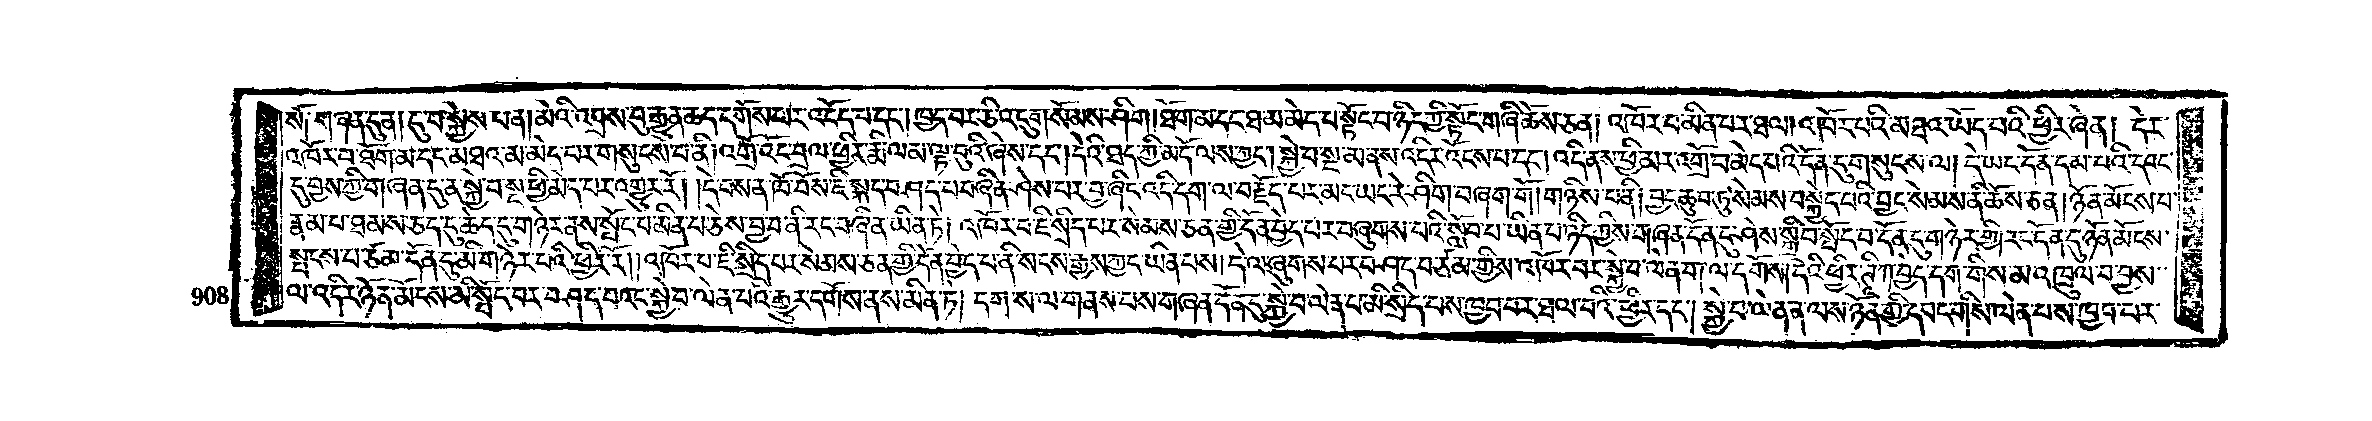སོ། གཞན་དུ་ན། དུ་བ་སྐྱེས་པ་ན། མེའི་འབྲས་བུ་རྒྱུན་ཆད་དགོས་པར་འདོད་པ་དང་། ཁྱད་པར་ཅི་འདུག་སོམས་ཤིག །ཐོག་མ་དང་ཐ་མ་མེད་པ་སྟོང་པ་ཉིད་ཀྱི་སྟོང་གཞི་ཆོས་ཅན། འཁོར་བ་མིན་པར་ཐལ། འཁོར་བའི་མཐའ་ཡོད་པའི་ཕྱིར་ཞེ་ན། དེར་
འཁོར་བ་ཐོག་མ་དང་མཐའ་མ་མེད་པར་གསུངས་པ་ནི། འགྲོ་འོང་བྲལ་ཕྱིར་རྨི་ལམ་ལྟ་བུའི་ཞེས་དང་། དེའི་ཐད་ཀྱི་མདོ་ལས་ཀྱང་། སྐྱེ་བ་སྔ་མ་ནས་འདིར་འོངས་པ་དང་། འདི་ནས་ཕྱི་མར་འགྲོ་བ་མེད་པའི་དོན་དུ་གསུངས་ལ། དེ་ཡང་དོན་དམ་པའི་དབང་
དུ་བྱས་ཀྱི་གཞན་དུ་ན་སྐྱེ་བ་སྔ་ཕྱི་མེད་པར་འགྱུར་རོ། །དེ་བས་ན་ཁོ་བོས་ཇི་སྐད་བཤད་པ་བཞིན་ཤེས་པར་བྱ་ཞིང་འདི་དག་ལ་བརྗོད་པར་མང་ཡང་རེ་ཤིག་བཞག་གོ །གཉིས་པ་ནི། བྱང་ཆུབ་ཏུ་སེམས་བསྐྱེད་པའི་བྱང་སེམས་ནི་ཆོས་ཅན། ཉོན་མོངས་པ་
རྣམ་པ་ཐམས་ཅད་དུ་ཆེད་དུ་གཉེར་ནས་སྤོང་བ་མིན་པ་ཅེས་བྱ་བ་ནི་རང་བཞིན་ཡིན་ཏེ། འཁོར་བ་ཇི་སྲིད་པར་སེམས་ཅན་གྱི་དོན་བྱེད་པར་བཞུགས་པའི་སློབ་པ་ཡིན་པ་ཉིད་ཀྱིས་གཞན་དོན་དུ་ཤེས་སྒྲིབ་སྤོང་བ་དོན་དུ་གཉེར་གྱི། རང་དོན་དུ་ཉོན་མོངས་
སྤངས་པ་ཙམ་དོན་དུ་མི་གཉེར་པའི་ཕྱིར་རོ། །འཁོར་བ་ཇི་སྲིད་པར་སེམས་ཅན་གྱི་དོན་བྱེད་པ་ནི་སངས་རྒྱས་ཀྱང་ཡིན་པས། དེ་ལ་ཞུགས་པར་བཤད་པ་ཙམ་གྱིས་འཁོར་བར་སྐྱེ་བ་ལེན་ག་ལ་དགོས། དེའི་ཕྱིར་ཊཱིཀ་བྱེད་དག་གིས་མ་འཁྲུལ་བ་བྱས་
ལ་འདིར་ཉོན་མོངས་མི་སྤོང་བར་བཤད་པའང་སྐྱེ་བ་ལེན་པའི་རྒྱུར་དགོས་ནས་མིན་ཏེ། དག་ས་ལ་གནས་པས་གཞན་དོན་དུ་སྐྱེ་བ་ལེན་པ་མི་སྲིད་པས་ཁྱབ་པར་ཐལ་བའི་ཕྱིར་དང་། སྐྱེ་བ་ལེན་ན་ལས་ཉོན་གྱི་དབང་གིས་ལེན་པས་ཁྱབ་པར་